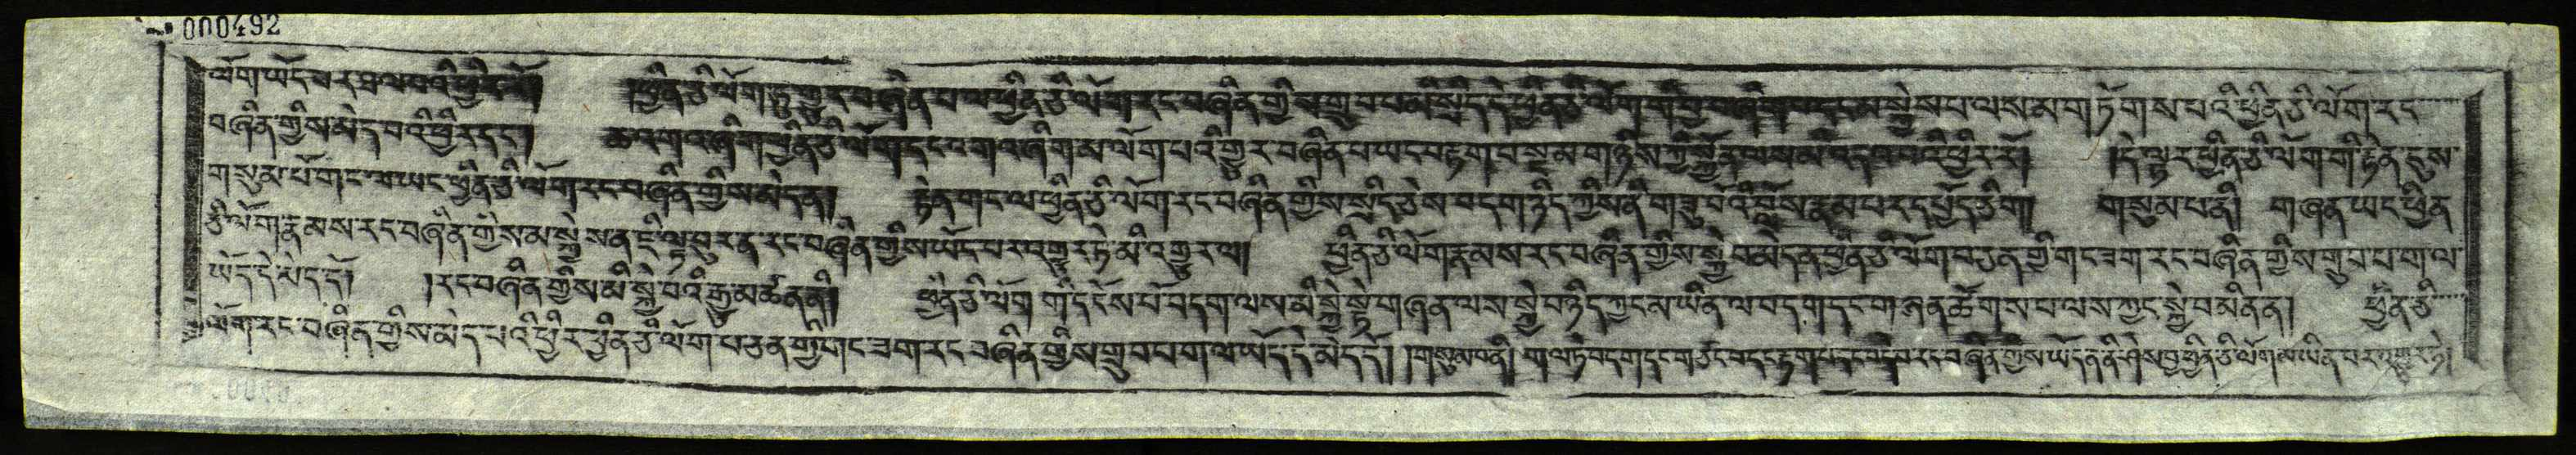ལོག་ཡོད་པར་ཐལ་བའི་ཕྱིར་རོ། །ཕྱིན་ཅི་ལོག་ཏུ་གྱུར་བཞིན་པ་ལ་ཕྱིན་ཅི་ལོག་རང་བཞིན་གྱིས་གྲུབ་པ་མི་སྲིད་དེ་ཕྱིན་ཅི་ལོག་གི་བྱ་བ་ཞིག་པ་དང་མ་སྐྱེས་པ་ལས་མ་གཏོགས་པའི་ཕྱིན་ཅི་ལོག་རང་
བཞིན་གྱིས་མེད་པའི་ཕྱིར་དང་། ཆ་འགའ་ཞིག་ཕྱིན་ཅི་ལོག་དང་འགའ་ཞིག་མ་ལོག་པའི་གྱུར་བཞིན་པ་ཡང་བརྟག་པ་སྔ་མ་གཉིས་ཀྱི་སྐྱོན་ལས་མི་འདའ་བའི་ཕྱིར་རོ། །དེ་ལྟར་ཕྱིན་ཅི་ལོག་གི་རྟེན་དུས་
གསུམ་པོ་གང་ལ་ཡང་ཕྱིན་ཅི་ལོག་རང་བཞིན་གྱིས་མེད་ན། རྟེན་གང་ལ་ཕྱིན་ཅི་ལོག་རང་བཞིན་གྱིས་སྲིད་ཅེས་བདག་ཉིད་ཀྱིས་ནི་གཟུ་པོའི་བློས་རྣམ་པར་དཔྱོད་ཅིག །གསུམ་པ་ནི། གཞན་ཡང་ཕྱིན་
ཅི་ལོག་རྣམས་རང་བཞིན་གྱིས་མ་སྐྱེས་ན་ཇི་ལྟ་བུར་ན་རང་བཞིན་གྱིས་ཡོད་པར་འགྱུར་ཏེ་མི་འགྱུར་ལ། ཕྱིན་ཅི་ལོག་རྣམས་རང་བཞིན་གྱིས་སྐྱེ་བ་མེད་ན་ཕྱིན་ཅི་ལོག་པ་ཅན་གྱི་གང་ཟག་རང་བཞིན་གྱིས་གྲུབ་པ་ག་ལ་
ཡོད་དེ་མེད་དོ། །རང་བཞིན་གྱིས་མི་སྐྱེ་བའི་རྒྱུ་མཚན་ནི། ཕྱིན་ཅི་ལོག་གི་དངོས་པོ་བདག་ལས་མི་སྐྱེ་སྟེ་གཞན་ལས་སྐྱེ་བ་ཉིད་ཀྱང་མ་ཡིན་ལ་བདག་དང་གཞན་ཚོགས་པ་ལས་ཀྱང་སྐྱེ་བ་མིན་ན། ཕྱིན་ཅི་
ལོག་རང་བཞིན་གྱིས་མེད་པའི་ཕྱིར་ཕྱིན་ཅི་ལོག་པ་ཅན་གྱི་གང་ཟག་རང་བཞིན་གྱིས་གྲུབ་པ་ག་ལ་ཡོད་དེ་མེད་དོ། །གསུམ་པ་ནི། གལ་ཏེ་བདག་དང་གཙང་བ་དང་རྟག་པ་དང་བདེ་བ་རང་བཞིན་གྱིས་ཡོད་ན་ནི་ཤེས་བྱ་ཕྱིན་ཅི་ལོག་མ་ཡིན་པར་འགྱུར་ཏེ།